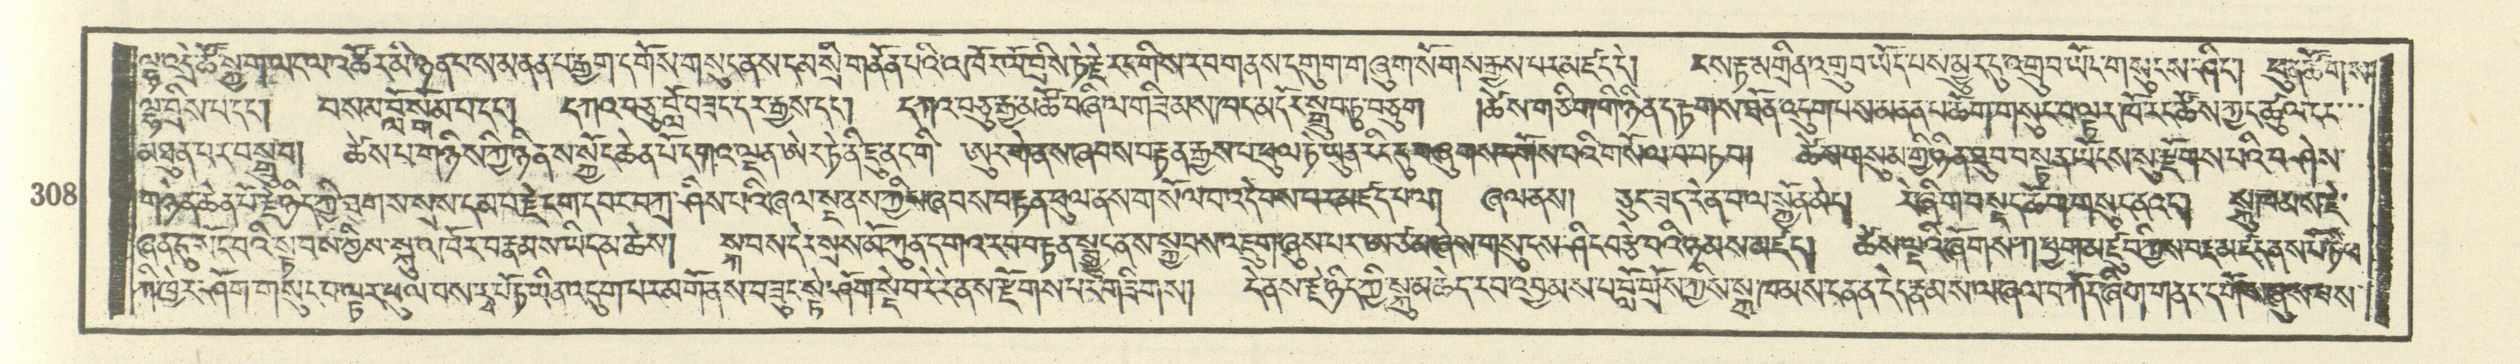ལྷ་འདྲེ་ཚོ་སྐྱག་ཡང་ལ་འཚོར་མི་ཉན་པས་མནན་པ་རྒྱག་དགོས་གསུང་ནས་དམ་སྲི་གནོན་པའི་འཁོར་ལོ་བྲིས་ཏེ་རྗེ་རང་གིས་རབ་གནས་དགུག་གཞུག་སོགས་རྒྱས་པར་མཛད་དེ། ངས་རྟ་མགྲིན་འགྲུབ་ཡོད་པས་མྱུར་དུ་འགྲུབ་ཡོང་གསུངས་ཤིང་། ཕུན་ཚོགས་
ལྷ་བྲིས་པ་དང་། བསམ་བློ་སྒོམ་པ་དང་། དཀའ་བཅུ་བློ་བཟང་དར་རྒྱས་དང་། དཀའ་བཅུ་རྒྱ་མཚོ་བཞི་ལ་གཟིམས་ཁང་མདོར་སྒྲུབ་ཏུ་བཅུག །ཚེས་གཅིག་གི་ཉིན་ད་རྟགས་ཐོན་འདུག་པས་མནན་པ་ཆོག་གསུང་བ་ལྟར་ཁོ་རང་ཚོས་ཀྱང་ཚུལ་དང་
མཐུན་པར་བསྒྲུབ། ཚེས་པ་གཉིས་ཀྱི་ཉིན་ས་སྐྱོང་ཆེན་པོ་དགའ་ལྡན་ཨེར་ཏེ་ནི་ཇུ་ནང་གི་ཨུར་གེ་ནས་ཞབས་བརྟན་རྒྱས་པ་ཕུལ་ཏེ་ཡུན་རིང་དུ་བཞུགས་དགོས་པའི་གསོལ་བ་བཏབ། ཚེས་གསུམ་གྱི་ཉིན་ཐུབ་བསྟན་ཡོངས་སུ་རྫོགས་པའི་བཤེས་
གཉེན་ཆེན་པོ་རྗེ་ཉིད་ཀྱི་ཐུགས་སྲས་དམ་བརྗེ་ངག་དབང་བཀྲ་ཤིས་པའི་ཞལ་སྔ་ནས་ཀྱིས་ཞབས་བརྟན་ཕུལ་ནས་གསོལ་བ་འདེབས་པར་མཛད་པ་ལ། ཞལ་ནས། ཅུང་ཟད་རེ་ན་བ་ལ་སྐྱོན་མེད། རེ་ཞིག་བསྡད་ཆོག་གསུང་ནའང་། སྐུ་ཁམས་ཇེ་
ཞན་དུ་སོང་བའི་སྟབས་ཀྱིས་སྐུ་འཁོར་བ་རྣམས་ཡིད་མ་ཆེས། སྐབས་དེར་སྲས་མོ་ཀུན་དགའ་རབ་བརྟན་སྨྱུང་ནས་སྐྱབས་འཇུག་ཞུས་པར་ཨ་ཙམ་ཞེས་གསུངས་ཤིང་བརྩེ་བའི་ཉམས་མཛད། ཚེས་ལྔའི་ཞོགས་ཀ་ཕྱག་མཛུབ་ཀྱིས་བརྡ་མཛད་ནས་པོ་ཏི་ཕ་
ཀི་ཁྱེར་ཤོག་གསུང་བ་ལྟར་ཕུལ་བས་རྭ་པོ་ཏ་ཡིན་འདུག་པར་མགོ་ནས་བཟུང་སྟེ་ཤོག་སྡེབ་རེ་རེ་ནས་རྫོགས་པར་གཟིགས། དེ་ནས་རྗེ་ཉིད་ཀྱི་སྐུ་མཆེད་རབ་འབྱམས་པ་བློ་གྲོས་ཀྱིས་སྐུ་ཁམས་ངན་ན་དེད་རྣམས་ལ་ཞལ་བཀོད་ཞིག་གནང་དགོས་ཞུས་པས་